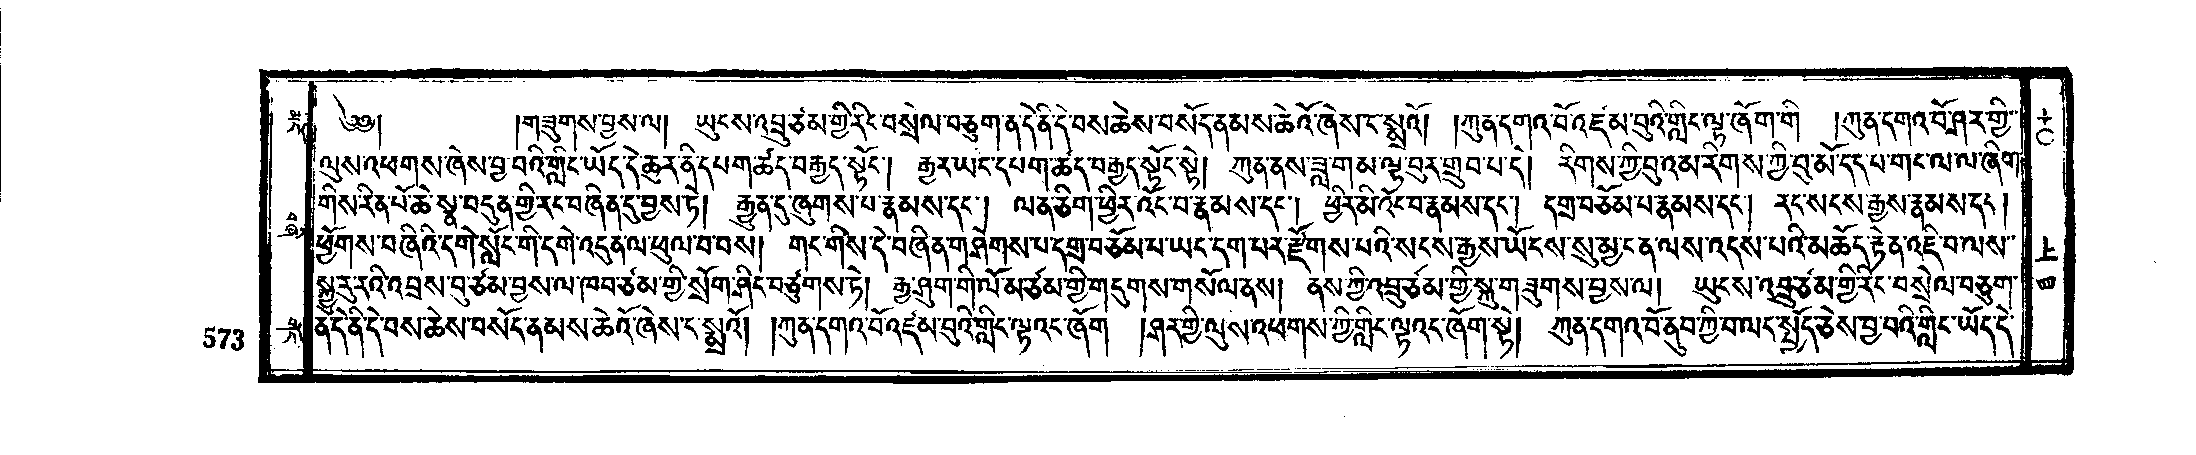༄༅། །གཟུགས་བྱས་ལ། ཡུངས་འབྲུ་ཙམ་གྱི་རིང་བསྲེལ་བཅུག་ན་དེ་ནི་དེ་བས་ཆེས་བསོད་ནམས་ཆེའོ་ཞེས་ང་སྨྲའོ། །ཀུན་དགའ་བོ་འཛམ་བུའི་གླིང་ལྟ་ཞོག་གི །ཀུན་དགའ་བོ་ཤར་གྱི་
ལུས་འཕགས་ཞེས་བྱ་བའི་གླིང་ཡོད་དེ་ཆུར་ནི་དཔག་ཚད་བརྒྱད་སྟོང་། རྒྱར་ཡང་དཔག་ཚད་བརྒྱད་སྟོང་སྟེ། ཀུན་ནས་ཟླ་གམ་ལྟ་བུར་གྲུབ་པ་དེ། རིགས་ཀྱི་བུ་འམ་རིགས་ཀྱི་བུ་མོ་དད་པ་གང་ལ་ལ་ཞིག་
གིས་རིན་པོ་ཆེ་སྣ་བདུན་གྱི་རང་བཞིན་དུ་བྱས་ཏེ། རྒྱུན་དུ་ཞུགས་པ་རྣམས་དང་། ལན་ཅིག་ཕྱིར་འོང་བ་རྣམས་དང་། ཕྱིར་མི་འོང་བ་རྣམས་དང་། དགྲ་བཅོམ་པ་རྣམས་དང་། རང་སངས་རྒྱས་རྣམས་དང་།
ཕྱོགས་བཞིའི་དགེ་སློང་གི་དགེ་འདུན་ལ་ཕུལ་བ་བས། གང་གིས་དེ་བཞིན་གཤེགས་པ་དགྲ་བཅོམ་པ་ཡང་དག་པར་རྫོགས་པའི་སངས་རྒྱས་ཡོངས་སུ་མྱ་ངན་ལས་འདས་པའི་མཆོད་རྟེན་འཇི་བ་ལས་
སྐྱུ་རུ་རའི་འབྲས་བུ་ཙམ་བྱས་ལ་ཁབ་ཙམ་གྱི་སྲོག་ཤིང་བཙུགས་ཏེ། རྒྱ་ཤུག་གི་ལོ་མ་ཙམ་གྱི་གདུགས་གསོལ་ནས། ནས་ཀྱི་འབྲུ་ཙམ་གྱི་སྐུ་གཟུགས་བྱས་ལ། ཡུངས་འབྲུ་ཙམ་གྱི་རིང་བསྲེལ་བཅུག་
ན་དེ་ནི་དེ་བས་ཆེས་བསོད་ནམས་ཆེའོ་ཞེས་ང་སྨྲའོ། །ཀུན་དགའ་བོ་འཛམ་བུའི་གླིང་ལྟའང་ཞོག །ཤར་གྱི་ལུས་འཕགས་ཀྱི་གླིང་ལྟའང་ཞོག་སྟེ། ཀུན་དགའ་བོ་ནུབ་ཀྱི་བ་ལང་སྤྱོད་ཅེས་བྱ་བའི་གླིང་ཡོད་དེ་